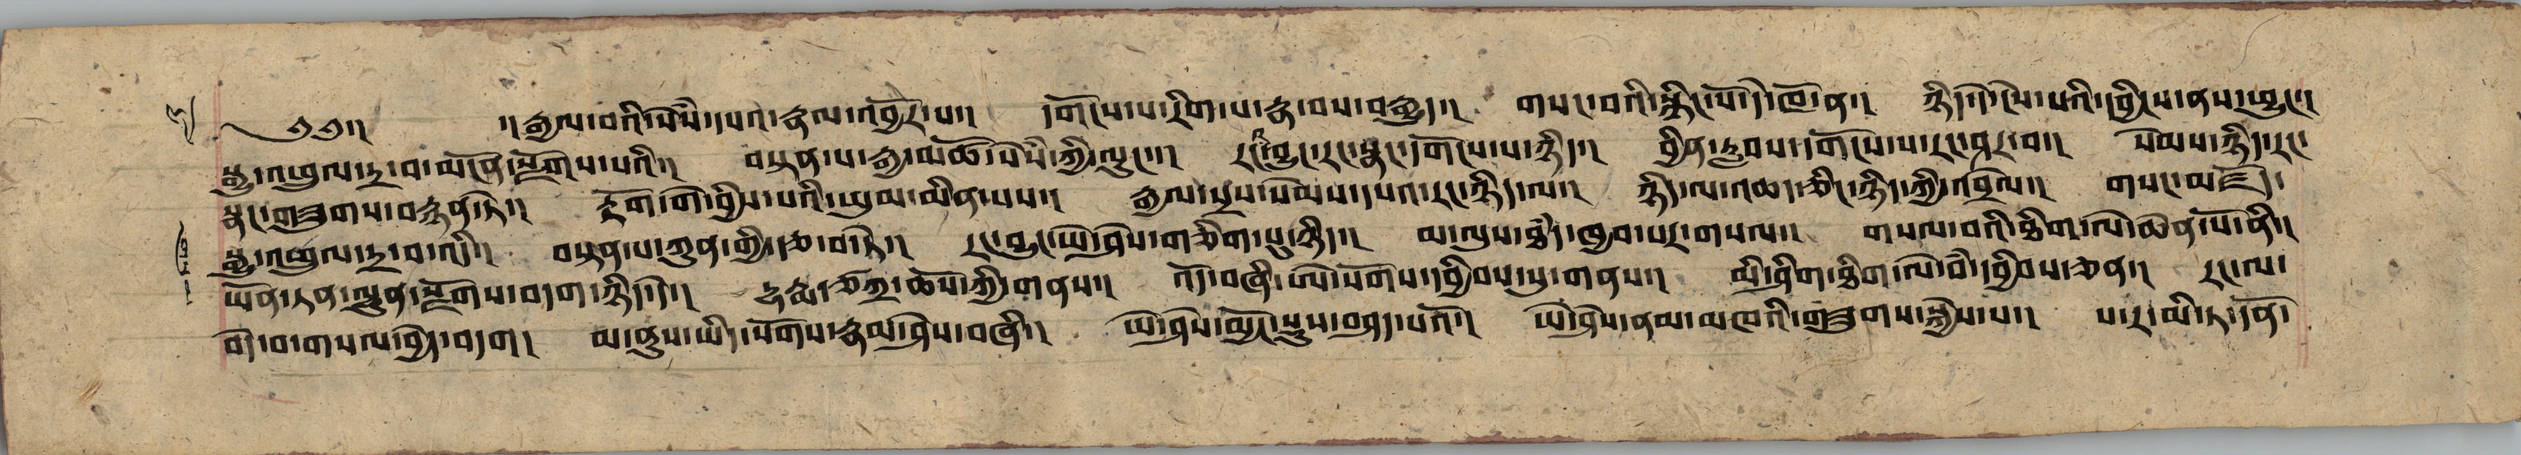༄༅་། ་།རྒྱལ་བའི་སེཾས་དཔའ་རྣལ་འབྱོར་པ་། དགོངས་པ་རིག་པ་རྣ་བས་བརྒྱུད་། གསང་བའི་སྙིང་པོ་དེ་ཁོ་ན་། ཉིད་དེ་ངེས་པའི་དབྱིངས་ནས་ཕྱུང་།
སྒྱུ་འཕྲུལ་དྲ་བ་མངོན་སྫོགས་པའི་། བསྟན་པ་རྒྱ་མཚོ་སེཾས་ཀྱི་ལྟུང་་། རང་འབྱུང་རང་སྣང་དགོངས་པ་ཉིད་། བྱིན་རླབས་དགོངས་པ་རང་ཤར་བ་། སེམས་ཉིད་རང་
སྣང་གཟུགས་བརྙན་ཏེ་། རྟོག་གེ་བྱིས་པའི་ཡུམ་མིན་པས་། རྒྱལ་སྲས་སེམས་དཔའ་རང་ཉིད་ལ་། ཉིད་ལ་འཆད་ཅིང་ཉིད་ཀྱི་འབྲེལ་། གསང་མཛོད་
སྒྱུ་འཕྲུལ་དྲ་བ་འདི་། བསྟན་པ་ཀུན་གྱི་རྩ་བ་ཏེ་། རང་བྱུང་ཡེ་ཤེས་གཅིག་པུ་ཉིད་། མ་ལུས་ཐདཾ་ཁྱབ་པར་གསལ་། གསལ་བའི་ཐིག་ལེ་ཆེན་པོ་ནི་།
ཡོན་ཏན་ལྷུན་སྫོགས་བདག་ཉིད་དེ་། དྷརྨ་ཙཀྲ་ཆོས་ཀྱི་གནས་། འོད་བཞི་ཨེ་སོགས་དབྱིབས་སུ་གནས་། མི་ཤིག་ཐིག་ལེ་བཾ་དབྱིབས་ཅན་། རང་ལ་
བདེ་བ་གསལ་བྱེད་བདག། མ་ནུས་ཡིད་སོགས་རྣམ་ཤེས་བཞི་། ཡེ་ཤེས་མྱོང་སྡུས་བཤད་པའོ་། ཡེ་ཤེས་ནམ་མཁའི་གཟུགས་སྐྱེས་པ་། པ་ར་མི་ཏ་དོན་